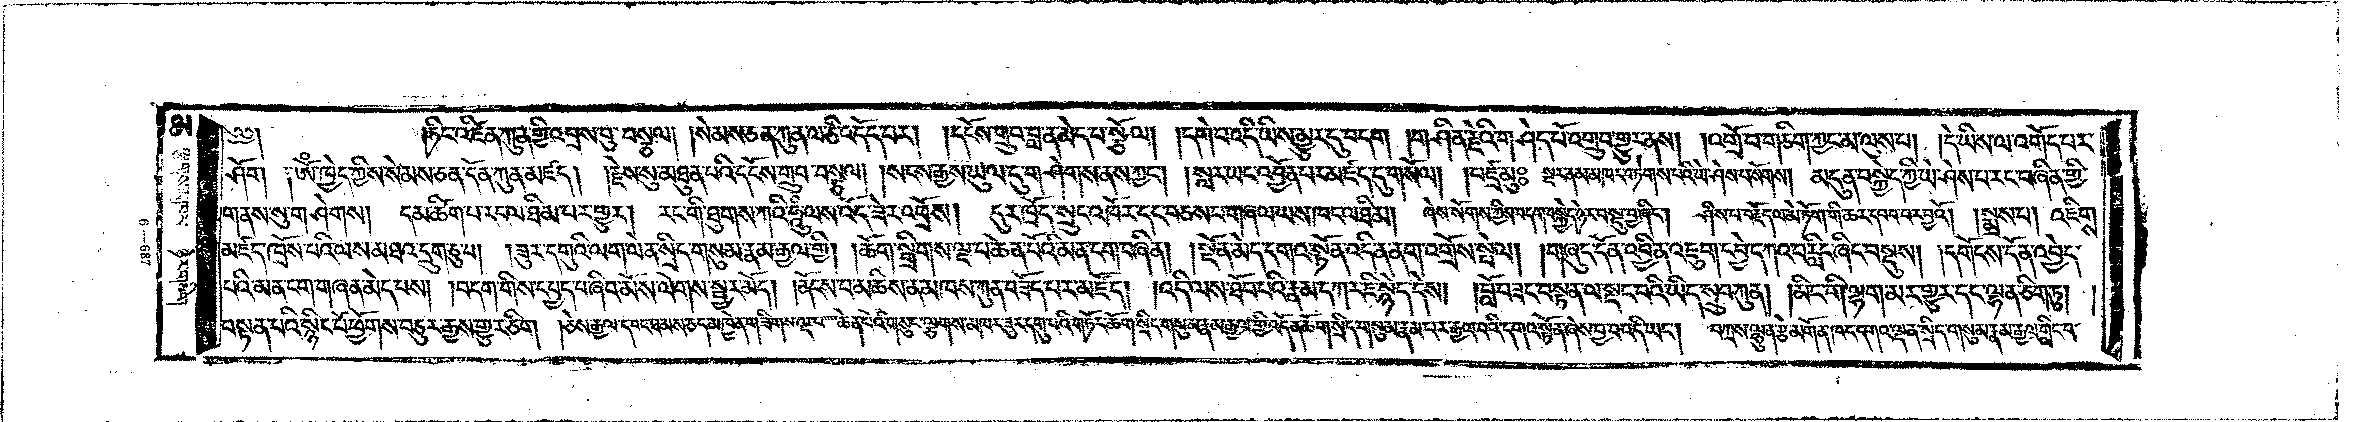༄༅། །ཏིང་འཛིན་ཀུན་གྱི་འབྲས་བུ་བསྩལ། །སེམས་ཅན་ཀུན་ལ་ཅི་འདོད་བར། །དངོས་གྲུབ་བླ་ན་མེད་པ་སྩོལ། །དགེ་བ་འདི་ཡིས་མྱུར་དུ་བདག །གཤིན་རྗེའི་གཤེད་པོ་འགྲུབ་གྱུར་ནས། །འགྲོ་བ་གཅིག་ཀྱང་མ་ལུས་པ། །དེ་ཡིས་ལ་འགོད་པར་
ཤོག ༑ཨོཾ་ཁྱེད་ཀྱིས་སེམས་ཅན་དོན་ཀུན་མཛད། །རྗེས་སུ་མཐུན་པའི་དངོས་གྲུབ་བསྩལ། །སངས་རྒྱས་ཡུལ་དུ་གཤེགས་ནས་ཀྱང་། །སླར་ཡང་འབྱོན་པར་མཛད་དུ་གསོལ། །བཛྲ་མུཿ སྔར་ནམ་མཁར་བཏེགས་པའི་ཡེ་ཤེས་པ་སོགས།  མདུན་བསྐྱེད་ཀྱི་ཡེ་ཤེས་པ་རང་བཞིན་གྱི་
གནས་སུ་གཤེགས། དམ་ཚིག་པ་རང་ལ་ཐིམ་པར་གྱུར། རང་གི་ཐུགས་ཀའི་ཧཱུཾ་ལས་འོད་ཟེར་འཕྲོས། དུར་ཁྲོད་སྲུང་འཁོར་དང་བཅས་པ་གཞལ་ཡས་ཁང་ལ་ཐིམ། ཞེས་སོགས་ཀྱིས་བདག་བསྐྱེད་ཉེར་བསྡུ་བྱ་ཞིང་། ཤིས་པ་བརྗོད་ལ་མེ་ཏོག་གི་ཆར་དབབ་བར་བྱའོ།  །སྨྲས་པ། འཇིགས་
མཛད་ཁྲོས་པའི་ལས་མཐའ་དྲུག་ཅུ་པ། །ཟུར་དགུའི་ལག་ལེན་སྲིད་གསུམ་རྣམ་རྒྱལ་གྱི། །ཆོག་སྒྲིགས་ལྔ་པ་ཆེན་པོའི་མན་ངག་བཞིན། །སྔོན་མེད་དགའ་སྟོན་འདི་ན་ནག་འགྲོས་སྤེལ། །གཞུང་དོན་འབྱིན་འཇུག་དབྱེ་དཀའ་བརླིང་ཞིང་བསྡུས། །དགོངས་དོན་འབྱེད་
པའི་མན་ངག་གཞན་མེད་པས། །བདག་གིས་དཔྱད་པ་ཞིབ་མོས་ལེགས་སྦྱར་མོད། །ནོངས་བ་མཆིས་ནམ་མཁས་ཀུན་བཟོད་པར་མཛོད། །འདི་ལས་ཐོབ་པའི་རྣམ་དཀར་ཇི་སྙེད་དེས། །བློ་བཟང་བསྟན་ལ་སྡང་བའི་ཡིད་སྲུབ་ཀུན། །མིང་གི་ལྷག་མར་གྱུར་དང་ལྷན་ཅིག་ཏུ། །
བསྟན་པའི་སྙིང་པོ་ཕྱོགས་བཅུར་རྒྱས་གྱུར་ཅིག །ཅེས་རྒྱལ་དབང་ཐམས་ཅད་མཁྱེན་གཟིགས་ལྔ་པ་ཆེན་པོའི་གསུང་ལྕགས་མཁར་ཟུར་དགུ་པའི་གཏོང་ཆོག་སྲིད་གསུམ་རྣམ་རྒྱལ་གྱི་འདོན་ཆོ་ག་སྲིད་གསུམ་རྣམ་པར་རྒྱལ་བའི་དགའ་སྟོན་ཞེས་བྱ་བ་འདི་ཡང་། བཀྲས་ལྷུན་རྩེ་མགོན་ཁང་དགའ་ལྡན་སྲིད་གསུམ་རྣམ་རྒྱལ་གླིང་བ་